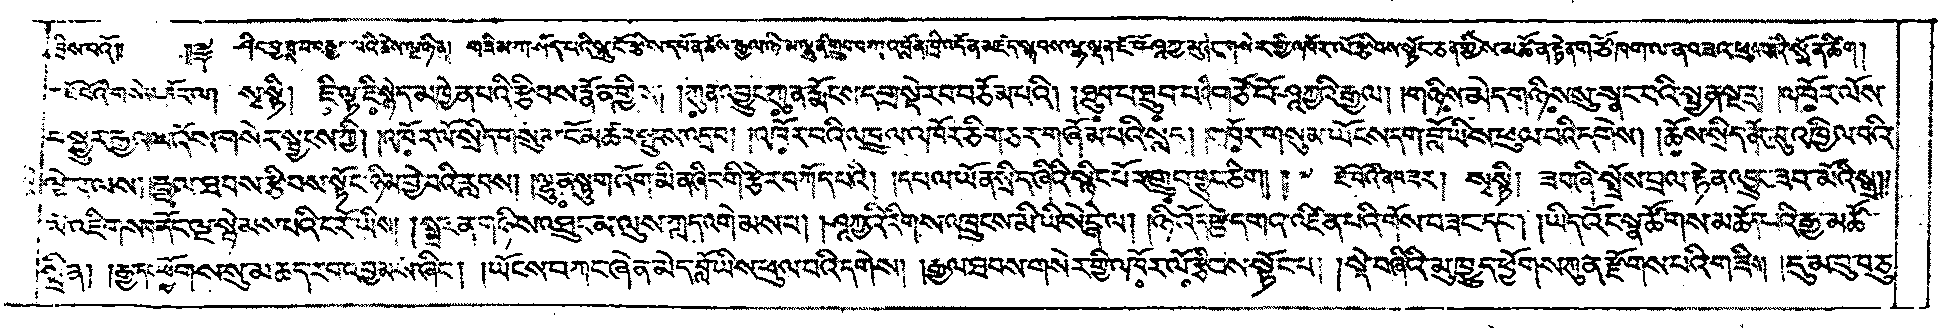བྲིས་པའོ།། །།༈ ཤིང་བྱ་ཟླ་བ་བརྒྱད་པའི་ཚེས་ལྔ་ཉིན། གཟིམ་ཀ་ཤོད་པའི་སྐུ་ངོ་རྩིས་དཔོན་ཆོས་རྒྱལ་ཉི་མ་ལྷུན་གྲུབ་བཀའ་བློན་ཁྲི་འདོན་མཛད་སྐབས་ལྷ་ལྡན་ཇོ་བོ་ཤཱཀྱ་མུ་ནེར་གསེར་གྱི་འཁོར་ལོ་རྩིབས་སྟོང་ཅན་གྱིས་མཚོན་རྟེན་གཙོ་ཁག་ལ་ན་བཟའ་ཕུལ་བའི་སྨོན་ཚིག །
༧་ཇོ་བོའི་གསེར་འཁོར་ལ། སྭསྟི། ཇི྾་ལྟ་ཇི྾་སྙེད་མཁྱེན་པའི་རྩིབས་རྣོན་གྱིས། །ཀུན྾་འབྱུང་ཀུན྾་རྨོངས་དགྲ་སྡེ་རབ་བཅོམ་པའི། །ཐུབ྾་པ་ཐུབ྾་པའི་གཙོ་བོ་ཤཱཀྱའི་རྒྱལ། །གཉིས྾་མེད་གཉིས྾་སུ་སྣང་བའི་སྤྱན་སྔ་རུ། །འཁོར྾་ལོས་
བསྒྱུར་རྒྱལ་ལ་འོས་གསེར་སྦྱངས་ཀྱི། །འཁོར྾་ལོ་སྲིད་གསུམ་ངོ་མཚར་སྤུངས་འདྲ་བ། །འཁོར྾་བའི་འཁྲུལ་འཁོར་ཅིག་ཅར་གཞོམ་པའི་སླད། །འཁོར྾་གསུམ་ཡོངས་དག་བློ་ཡིས་ཕུལ་བའི་དགེས། །ཆོས྾་སྲིད་ནོར་བུ་འཁྱིལ་བའི་
ལྟེ་བ་ལས། །རྒྱལ྾་ཐབས་རྩིབས་སྟོང་ཉི་མ་བྱེ་བའི་རླབས། །ལྷུན྾་སྟུག་འོག་མིན་ཞིང་གི་རྩེར་བཀོད་པའི། །དཔལ་ཡོན་སྲིད་ཞིའི་སྙིང་པོ་གྲུབ྾་གྱུར་ཅིག ། །།༧ཇོ་བོའི་ན་བཟར།  སྭསྟི། ཟབ་ཞི་སྤྲོས་བྲལ་རྟེན་འབྱུང་ཟབ་མོའི་སྒྲ། །
མི་འཇིགས་གདོང་ལྔ་སྙེམས་པའི་ང་རོ་ཡིས། །སྨྲ་ངན་གཉིས་འཐུང་མ་ལུས་ཀླད་འགེམས་པ། །ཤཱཀྱའི་རིགས་འཁྲུངས་མི་ཡི་སེངྒེ་ལ། །ཉི་འོད་རྩེ་དགའ་འཛིན་པའི་གོས་བཟང་དང་། །ཡིད་འོང་སྣ་ཚོགས་མཆོད་པའི་རྒྱ་མཚོ་
སྤྲིན། །རྒྱ་དང་ཕྱོགས་སུ་མ་ཆད་རབ་འབྱམས་ཞིང་། །ཡོངས་བཀང་ཞེན་མེད་བློ་ཡིས་ཕུལ་བའི་དགེས། །རྒྱལ་ཐབས་གསེར་གྱི་འཁོར྾་ལོ྾་རྩིབས་སྟོང་པ། །སྡེ་བཞིའི་མུ་ཁྱུད་ཕྱོགས་ཀུན་རྫོགས་པའི་གཟིས། །དུམ་བུ་བཅུ་